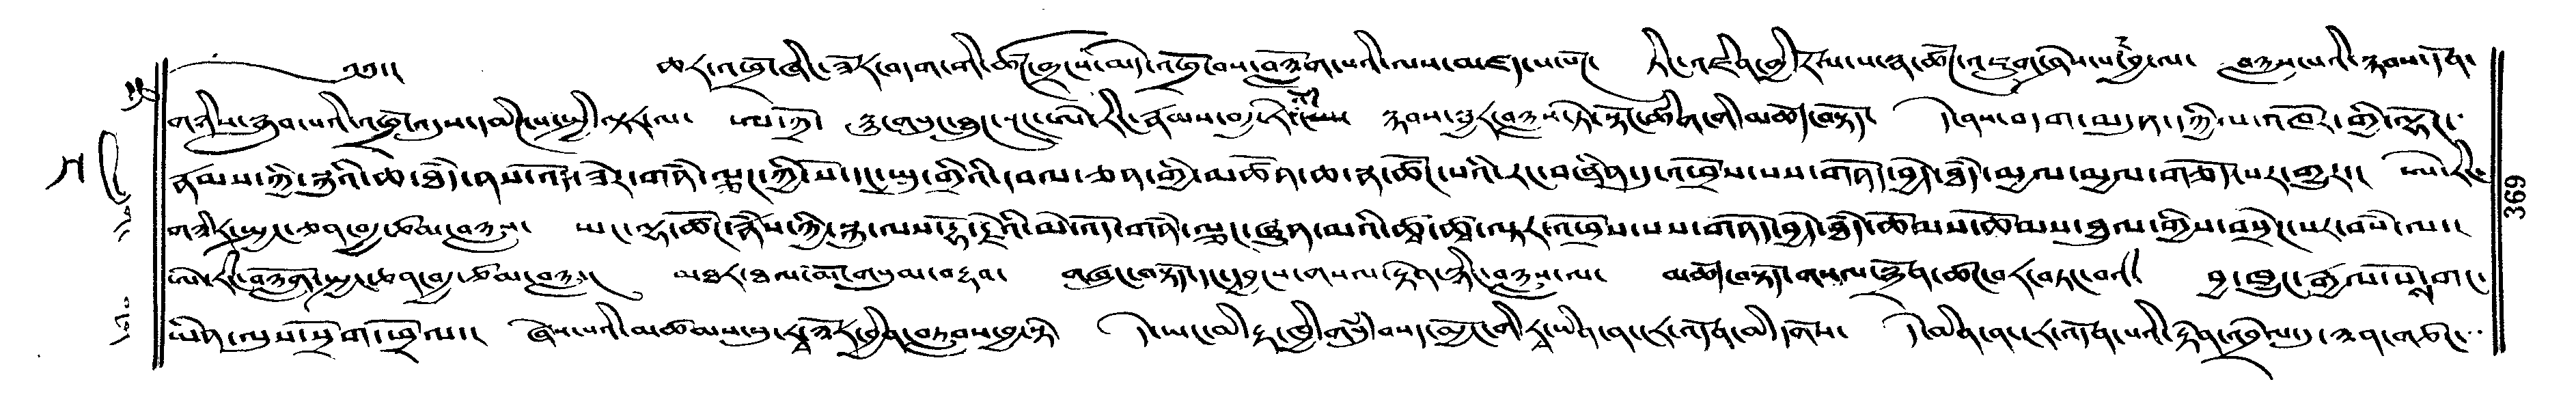ཆར་འཕྲོ་ཞིང་ཟོར་བདག་གི་ཚོགས་གྲངས་མེད་འཕྲོ་བས་བཟློག་པའི་ལས་མཛད་པ་སོགས། ཏིང་འཛིན་གྱི་རོལ་པ་སྣ་ཚོགས་འཇུག་ཤེས་པར་བྱ་ལ། བཟླས་པའི་སྐབས་དོན་
གཉིས་སྒྲུབ་པའི་འཕྲོ་འདུས་དམིགས་པ་སྤྱི་ལྟར་ལ། ཨ་ཀྲོ༴ སྐུ་གསུང་ཐུགས་སྔགས་ཨེ་རིང་རྣམས་བརྒྱ་རེའམ། སྐབས་སྦྱར་བཟླས་ཏེ་སྟོང་ཚིག་གི་མཆོད་བསྟོད། དེ་ནས། བདག་མདུན་དཀྱིལ་འཁོར་གྱི་ལྷ་ཚོགས་
རྣམས་ཀྱི་སྐུའི་ཆ་ཐམས་ཅད་ནས་འོད་ཟཻར་གནམ་ལྕགས་ཀྱི་སོ་དང་སྤུ་གྲིའི་དབལ་ཅན་གྱི་མཚོན་ཆ་སྣ་ཚོགས་པའི་རང་བཞིན་དུ་འཕྲོས་པས་གནོད་བྱེད་ཐམས་ཅད་མྱལ་མྱལ་གཅོད་པར་གྱུར།ཨེ་རིང་
གཟིར་སྤྱང་ཅན་བརྒྱ་ཙམ་བཟླ། ཡང་ལྷ་ཚོགས་རྣམས་ཀྱི་སྐུ་ལས་རྡོ་རྗེའི་མེ་འོད་གནམ་ལྕགས་ཞུན་མའི་ཚྭ་ཚྭ་ལྟར་འཕྲོས་པས་གནོད་བྱེད་ཐམས་ཅད་ཆོམས་ཆོམས་ཐུལ་གྱིས་བསྲེགས་པར་བསམ་ལ། 
ཨེ་རིང་བཟློག་སྤྱང་ཅན་བརྒྱ་ཙམ་བཟླ། མཐར་ཐལ་མོ་གསུམ་བརྡབ། གཞུང་བསྟོད་དང་དབྱངས་གསལ་རྟེན་སྙིང་བཟླས་ལ། མཆོད་བསྟོད་གསལ་སྒྲོན་ཚང་བར་བཏང་བའི། བྱ་ཁྱུང་རྒྱལ་པོས་གང་
ཡིན་ལུས་སྲོག་ཕྲོལ། ཞེས་པའི་མཚམས་སུ་རྭ་ཟོར་བྱིན་རླབས་བྱ་སྟེ། དེ་ཡང་མི་རྟ་ཁྱི་གསུམ་བསད་མྱོང་གི་རྭ་ཡིན་ན་ངར་འདོན་མི་དགོས། དེ་མིན་ན་ངར་འདོན་པའི་རྟེན་འབྲེལ་དུ་ཟན་གཙང་